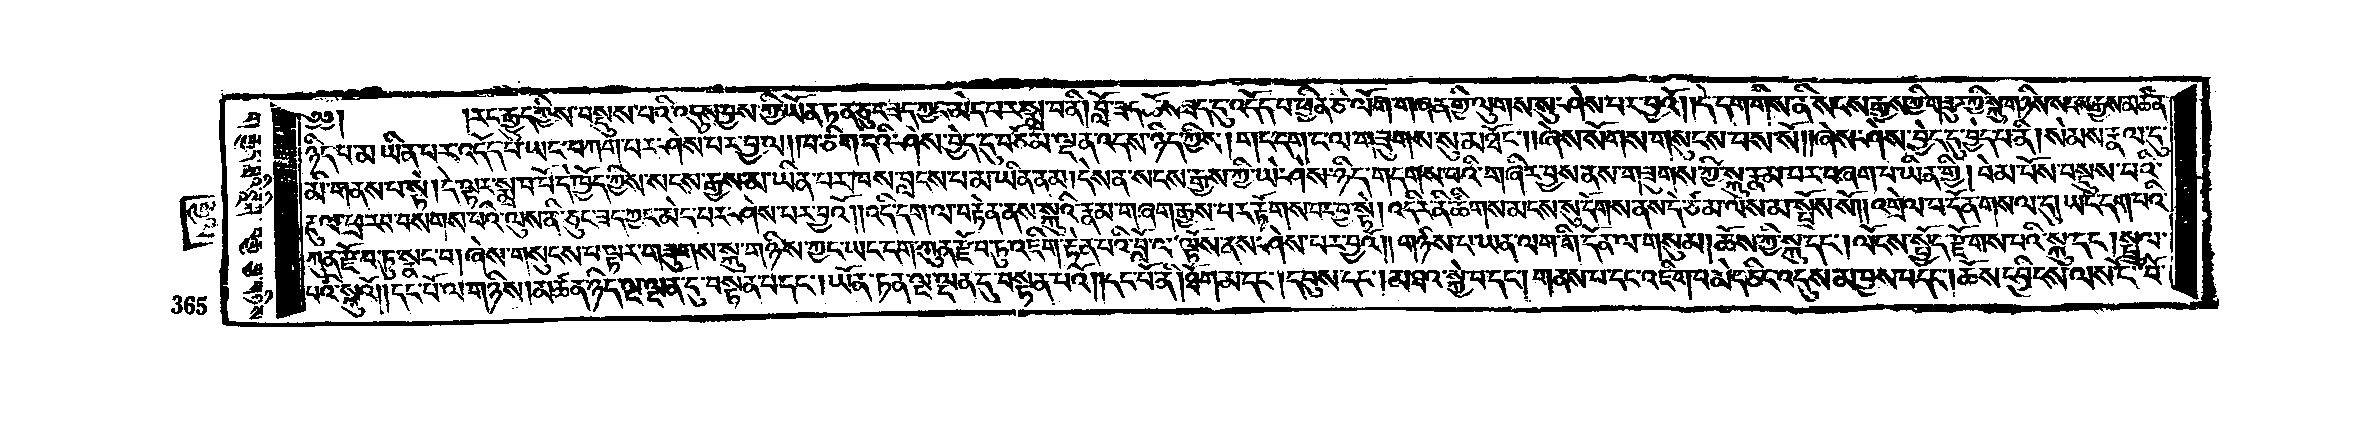༄༅། །རང་རྒྱུད་ཀྱིས་བསྡུས་པའི་འདུས་བྱས་ཀྱི་ཡོན་ཏན་ཅུང་ཟད་ཀྱང་མེད་པར་སྨྲ་བ་ནི། བློ་ཟད་ཆོས་ཟད་དུ་འདོད་པ་ཕྱིན་ཅི་ལོག་གཞན་གྱི་ལུགས་སུ་ཤེས་པར་བྱའོ། །དེ་དག་གིས་ནི་སངས་རྒྱས་ཀྱི་གཟུགས་ཀྱི་སྐུ་གཉིས་སངས་རྒྱས་མཚན་
ཉིད་པ་མ་ཡིན་པར་འདོད་པ་ཡང་བཀག་པར་ཤེས་པར་བྱ་ལ། ཁ་ཅིག་དེའི་ཤེས་བྱེད་དུ་བཅོམ་ལྡན་འདས་ཉིད་ཀྱིས། གང་དག་ང་ལ་གཟུགས་སུ་མཐོང་། །ཞེས་སོགས་གསུངས་པས་སོ། །ཞེས་ཤེས་བྱེད་དུ་བྱེད་པ་ནི། སེམས་རྣལ་དུ་
མི་གནས་པ་སྟེ། དེ་ལྟར་སྨྲ་བ་པོ་དེ་ཁྱོད་ཀྱིས་སངས་རྒྱས་མ་ཡིན་པར་ཁས་བླངས་པ་མ་ཡིན་ནམ། དེས་ན་སངས་རྒྱས་ཀྱི་ཡེ་ཤེས་ཉིད་གདགས་པའི་གཞིར་བྱས་ནས་གཟུགས་ཀྱི་སྐུ་རྣམ་པར་བཞག་པ་ཡིན་གྱི་།བེམ་པོས་བསྡུས་པའི་
རྡུལ་ཕྲ་རབ་བསགས་པའི་ལུས་ནི་ཅུང་ཟད་ཀྱང་མེད་པར་ཤེས་པར་བྱའོ། །འདི་དག་ལ་བརྟེན་ནས་སྐུའི་རྣམ་གཞག་རྒྱས་པར་རྟོགས་པར་བྱ་སྟེ། འདིར་ནི་ཚིགས་མངས་སུ་དོགས་ནས་དེ་ཙམ་ལས་མ་སྤྲོས་སོ། །འགྲེལ་པ་དོན་གསལ་དུ། ཡང་དག་པའི་
ཀུན་རྫོབ་ཏུ་སྣང་བ། ཞེས་གསུངས་པ་ལྟར་གཟུགས་སྐུ་གཉིས་ཀྱང་ཡང་དག་ཀུན་རྫོབ་ཏུ་འཇིག་རྟེན་པའི་བློ་ལ་ལྟོས་ནས་ཤེས་པར་བྱའོ། །གཉིས་པ་ཡན་ལག་གི་དོན་ལ་གསུམ། ཆོས་ཀྱི་སྐུ་དང་། ལོངས་སྤྱོད་རྫོགས་པའི་སྐུ་དང་། སྤྲུལ་
པའི་སྐུའོ། །དང་པོ་ལ་གཉིས། མཚན་ཉིད་ལྔ་ལྡན་དུ་བསྟན་པ་དང་། ཡོན་ཏན་ལྔ་ལྡན་དུ་བསྟན་པའོ། །དང་པོ་ནི། ཐོག་མ་དང་། དབུས་དང་། མཐའ་སྐྱེ་བ་དང་། གནས་པ་དང་འཇིག་པ་མེད་ཅིང་འདུས་མ་བྱས་པ་དང་། ཆོས་དབྱིངས་ལས་ངོ་བོ་